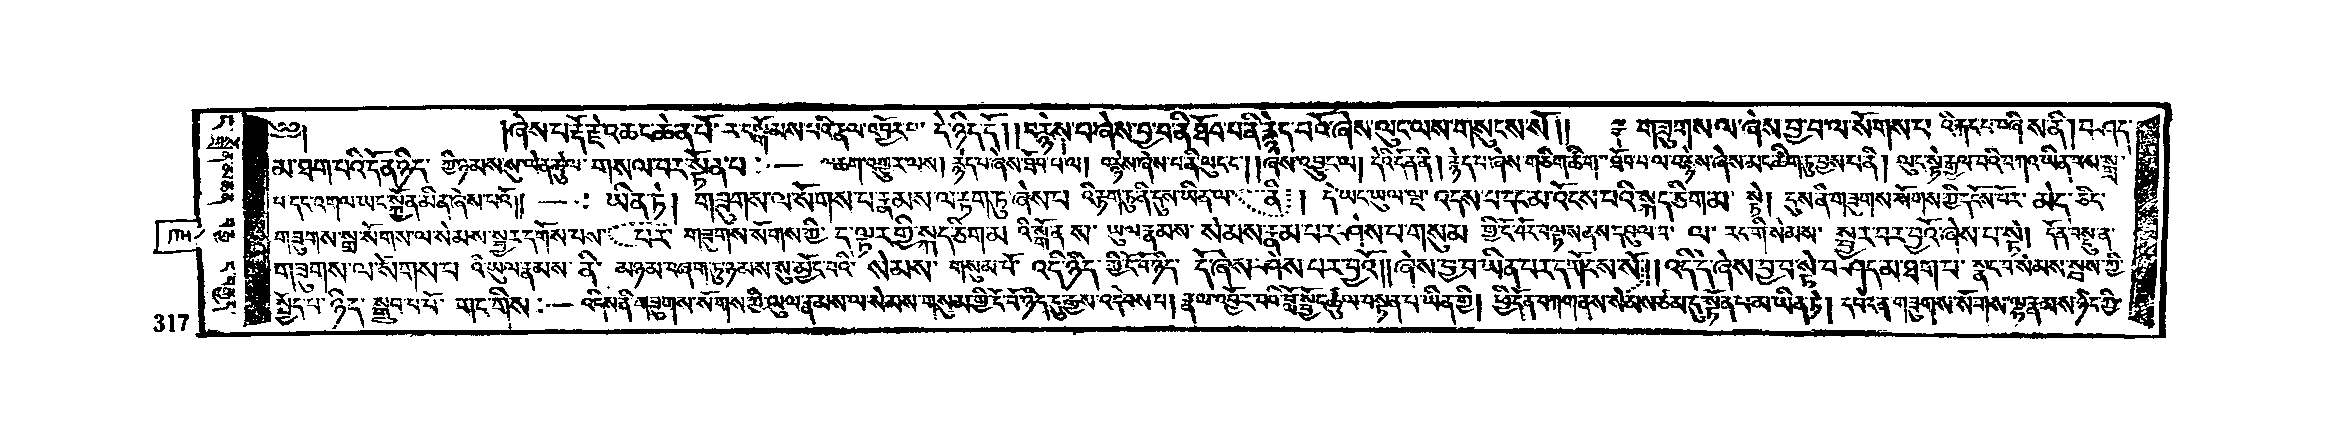༄༅། །ཞེས་པ་རྡོ་རྗེ་འཆང་ཆེན་པོར་བསྒོམས་པའི་རྣལ་འབྱོར་པ་དེ་ཉིད་དོ། །བརྙེས་པ་ཞེས་བྱ་བ་ནི་ཐོབ་པ་ནི་རྙེད་པའོ་ཞེས་ལུང་ལས་གསུངས་སོ།། ༈ གཟུགས་ལ་ཞེས་བྱ་བ་ལ་སོགས་པའི་རྐང་པ་བཞི་ས་ནི། བཤད་
མ་ཐག་པའི་དོན་ཉིད་ཀྱི་ཉམས་སུ་ལེན་ཚུལ་གསལ་བར་སྟོན་པ་H.་༧ཆག་འགྱུར་ལས། རྙེད་པ་ཞེས་ཐོབ་པ་ལ། བརྙེས་ཞེས་པ་ནི་ལུང་ང་། །ཞེས་འབྱུང་ལ། དེའི་དོན་ནོ། རྙེད་པ་ཞེས་གཅིག་ཚིག་ཐོབ་པ་ལ་བརྙེས་ཞེས་མང་ཚིག་ཏུ་བྱས་པ་ནི། ལུང་སྟེ་རྒྱལ་བའི་བཀའ་ཡིན་པས་སྒྲ་
པ་དང་འགལ་ཡང་སྐྱོན་མིན་ཞེས་པའོ།། .H ཡིན་ཏེ། གཟུགས་ལ་སོགས་པ་རྣམས་ལ་རྟག་ཏུ་ཞེས་པའི་རྟག་ཏུ་མི་དུས་ཡིན་ལ་ནི། དེ་ཡང་ཡུལ་ལྔ་འདས་པ་དང་མ་འོང་པའི་སྐད་ཅིག་མ་སྟེ། དུས་ནི་གཟུགས་སོགས་ཀྱི་དངོས་པོར་མེད་ཅིང་
གཟུགས་སྒྲ་སོགས་ལ་སེམས་སྦྱར་དགོས་པས་པར་གཟུགས་སོགས་ཀྱི་ད་ལྟར་གྱི་སྐད་ཅིག་མའི་སྒོ་ནས་ཡུལ་རྣམས་སེམས་རྣམ་པར་ཤེས་པ་གསུམ་གྱི་ངོ་བོར་བལྟས་ནས་དབུལ་བ་ལ་རང་གི་སེམས་སྦྱར་བར་བྱའོ་ཞེས་པ་སྟེ། དོན་བསྡུ་ན
གཟུགས་ལ་སོགས་པའི་ཡུལ་རྣམས་ནི་མཉམ་བཞག་ཏུ་ཉམས་སུ་མྱོང་བའི་སེམས་གསུམ་པོ་འདི་ཉིད་ཀྱི་ངོ་བོ་ཉིད་དོ་ཞེས་ཤེས་པར་བྱའོ། །ཞེས་བྱ་བ་ཡིན་པར་དགོངས་སོ། །འདི་དེ་ཞེས་བྱ་བ་སྟེ་བཤད་མ་ཐག་པ་སྣང་བ་སེམས་སྦས་ཀྱི་
སྤྱོད་པ་ཉིད་སྒྲུབ་པ་པོ་གང་གིསཿ་འདིས་ནི་གཟུགས་སོགས་ཀྱི་ཡུལ་རྣམས་ལ་སེམས་གསུམ་གྱི་ངོ་བོ་ཉིད་དུ་རྒྱས་འདེབས་པ། རྣལ་འབྱོར་བའི་བློ་སྦྱོང་ཚུལ་བསྟན་པ་ཡིན་གྱི། ཕྱི་དོན་བཀག་ནས་སེམས་ཙམ་དུ་སྟོན་པ་མ་ཡིན་ཏེ། དཔེར་ན་གཟུགས་སོགས་ལྷ་རྣམས་ཉིད་ཀྱི